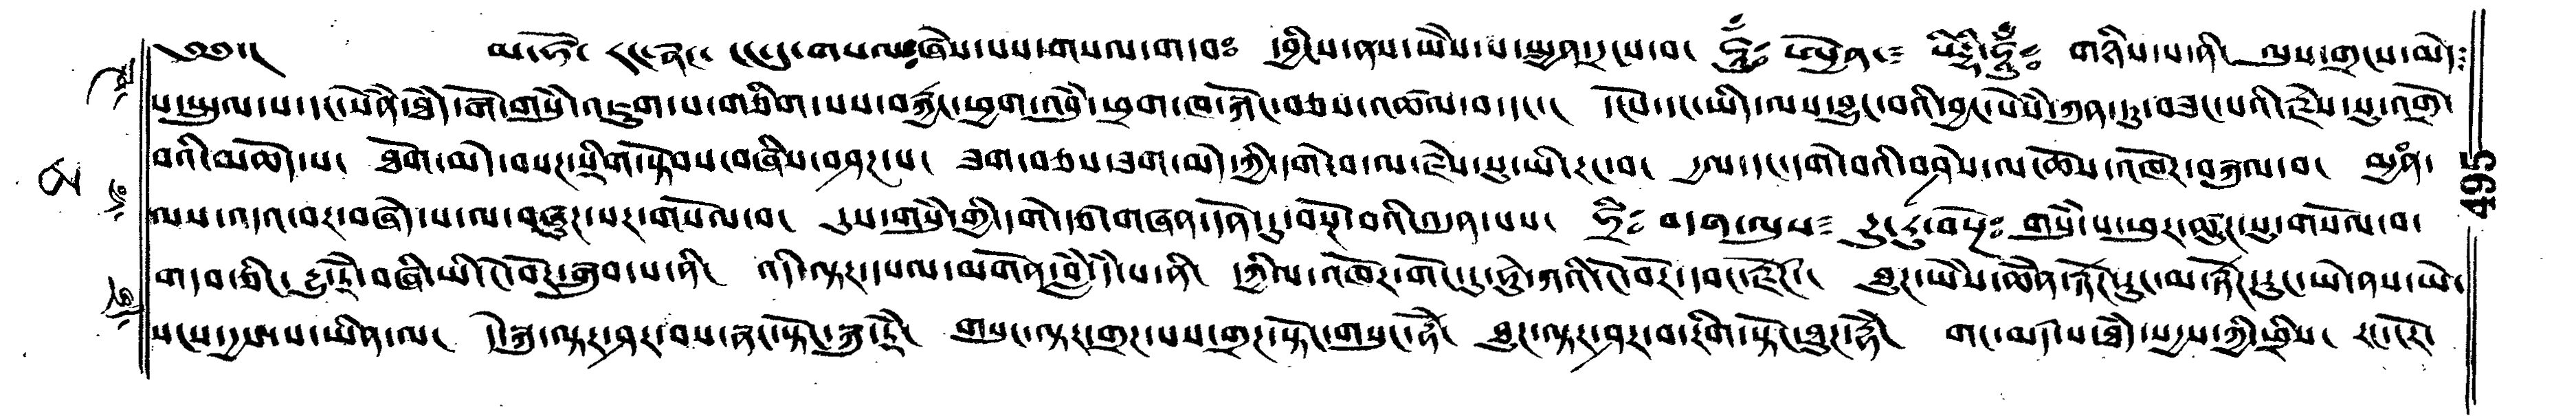མ་ཧོ༔ རང་སྣང༴ ངང་དུ་གསལ༔ ཞེས་པས་གསལ་གདབ། དབྱིངས་ནས་ཡེ་ཤེས་པ་སྤྱན་དྲང་བ། ཧཱུྃ༔ ཨོ་རྒྱན༴ སིདྡྷི་ཧཱུྃ༔ གཉིས་པ་ནི། ལུས་གྲངས་མེད་
པ་སྤྲུལ་པ་དང་སེམས་ཅན་ཐམས་ཅད་སྒོ་གསུམ་འཇུག་པ་གཅིག་པས་བརྐྱང་ཕྱག་འབུམ་ཕྲག་ཁ་སྐོང་བཅས་འཚལ་བ་དང་། དངོས་དང་ཡིད་ལས་བྱུང་བའི་བྱང་སེམས་ཀུན་ཏུ་བཟང་པོའི་རྗེས་སུ་འགྲོ་
བའི་མཆོད་པ། ཐོག་མེད་བསགས་སྡིག་སྟོབས་བཞིས་བཤགས་པ། ཟག་བཅས་ཟག་མེད་ཀྱི་དགེ་བ་ལ་རྗེས་སུ་ཡི་རང་བ། རྒྱལ་དང་དགེ་བའི་བཤེས་ལ་ཆོས་འཁོར་བསྐུལ་བ། མྱ་ངན་
ལས་འདའ་བར་བཞེད་པ་ལ་བཞུགས་པར་གསོལ་བ། དུས་གསུམ་གྱི་དགེ་རྩ་གཞན་དོན་དུ་བསྔོ་བའི་འདུན་པས། ཧྲཱིཿ བདག་ལུས༴ རྒྱུ་རུ་བསྔོ༔ གསུམ་པ་ཕུར་ཚུགས་སུ་གསོལ་བ་
གདབ་ཅིང་། རྒྱུ་རྡོ་རྗེ་བཞི་ཡི་ངོ་བོར་སྒྲུབ་པ་ནི། འདི་ལྟར་དཔལ་མགོན་བླ་མ་དམ་པ་ནི། དཀྱིལ་འཁོར་གོང་དུ་ཧེ་རུ་ཀའི་ངོ་བོར་དབང་རྫོགས། ཐུགས་ཡེ་ཤེས་ཆེན་པོ་རྟོགས་རུང་མ་རྟོགས་རུང་ཡེ་ནས་ཡེ་
སངས་རྒྱས་པ་ཡིན་ལ། དེ་སྐུ་ལྟར་ཤར་བས་སྣང་སྟོང་སྐུ་རྡོ་རྗེ། གསུང་ལྟར་གྲགས་པས་གྲགས་སྟོང་གསུང་རྡོ་རྗེ། ཐུགས་ལྟར་ཤར་བས་རིག་སྟོང་ཐུགས་རྡོ་རྗེ།གང་མཛད་པ་ཐམས་ཅད་སངས་རྒྱས་ཀྱི་ཕྲིན་ལས། རང་ངོར་